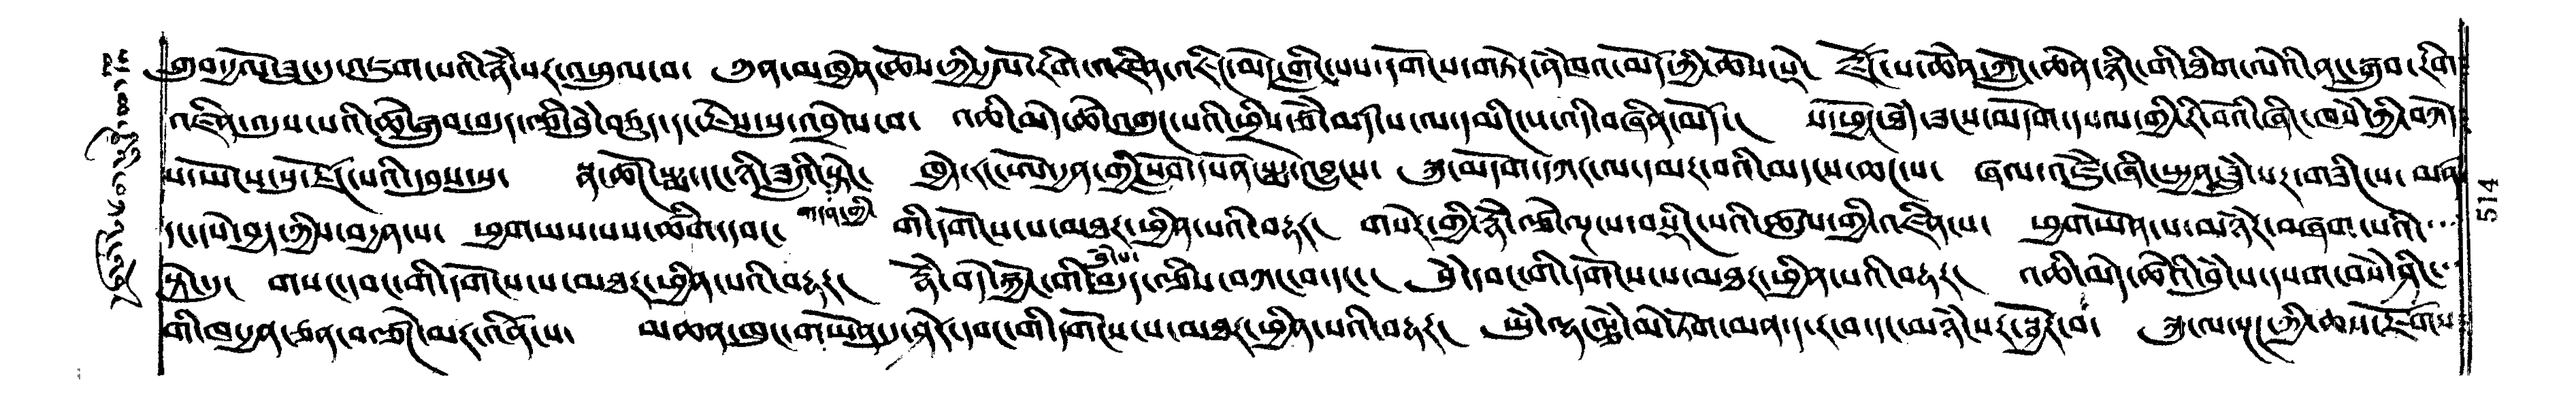གྲུབ་རྒྱལ་པོ་ཟུང་དུ་འཇུག་པའི་རྣམ་པར་འཕྲུལ་བ།ཀུན་མཁྱེན་ཆོས་ཀྱི་རྒྱལ་པོ་རིག་འཛིན་འཇིགས་མེད་གླིང་པས་དགོངས་གཏེར་ནམ་མཁའ་མཛོད་ཀྱི་ཆོས་སྡེ། རྫོགས་པ་ཆེན་པོ་ཀློང་ཆེན་སྙིང་གི་ཐིག་ལེའི་ནང་སྒྲུབ་རིག་
འཛིན་འདུས་པའི་ཚེ་སྒྲུབ་བདུད་རྩི་བུམ་བཅུད་དང་རྗེས་འབྲེལ་བ། འཆི་མེད་ཚེ་འགུགས་པའི་ཕྲིན་ལས་ཙམ་མཛད་པ་ལ་དམིགས་པ་འདི་བཞིན་མཛོད། ས་ཕྱོགས་ཐམས་ཅད་ཟངས་མདོག་དཔལ་གྱི་རི་བོའི་ཞིང་ཁམས་ཀྱི་བཀོད་
པ་ཡོངས་སུ་རྫོགས་པའི་དབུས་སུ། སྣ་ཚོགས་པདྨ་དང་ཉི་ཟླའི་གདན་གྱི་སྟེང་། ཁྱེད་རང་ཨོ་རྒྱན་གྱི་སློབ་དཔོན་པདྨ་འབྱུང་གནས། སྐུ་མདོག་དཀར་ལ་དམར་བའི་མདངས་ཆགས་པ། ཞལ་འཛུམ་ཞིང་སྤྱན་ཟིསམ་པར་གཟིགས་པ། མཚན་
དང་དཔེ་བྱད་ཀྱིས་བརྒྱན་པ། ཕྱག་གཡས་པས་ཚིག་དབང་གི་དགོངས་པ་མཐར་ཕྱིན་པའི་བརྡར། གསེར་གྱི་རྡོ་རྗེ་རྩེ་ལྔ་པ་བསྡིགས་པའི་ཚུལ་གྱི་འཛིན་པ། ཕྱགས་གཡོན་པ་མཉམ་པར་བཞག་པའི་
སྟེང་དུ། གསང་དབང་གི་དགོངས་པ་མཐར་ཕྱིན་པའི་བརྡར། རྡོ་རྗེ་བདེ་སྐྱོང་གི་བུམ་པ་བདུད་རྩིས་བཀང་བ་དང་། བུམ་དབང་གི་དགོངས་པ་མཐར་ཕྱིན་པའི་བརྡར། འཆི་མེད་ཚེའི་བུམ་པ་དཔག་བསམ་ཤིང་
གི་ཁ་རྒྱན་ཅན་བརྩེགས་མར་འཛིན་པ། མཆན་ཁུང་གཡོན་དུ་ཤེར་དབང་གི་དགོངས་པ་མཐར་ཕྱིན་པའི་བརྡར། ཡུམ་ལྷ་ལྕམ་མེ་ཏོག་མན་ད་ར་བ་དང་མཉམ་པར་སྦྱོར་བ། སྐུ་ལ་སྔགས་ཀྱི་ཆས་རྫོགས་